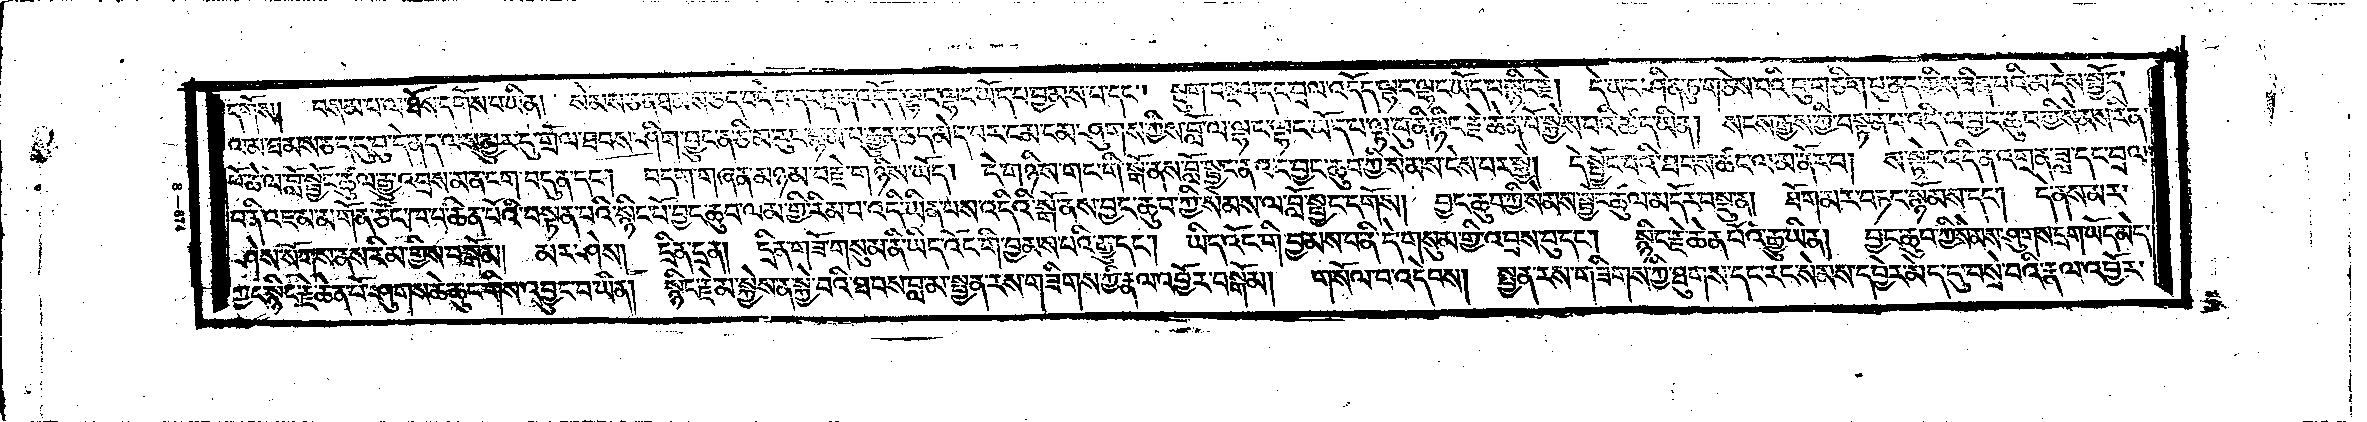དགོས། བསམ་པ་ལ་ཐོས་དགོས་པ་ཡིན། སེམས་ཅན་ཐམས་ཅད་བདེ་བ་དང་ལྡན་འདོད་ལྷང་ལྷང་ཡོད་པ་བྱམས་པ་དང་། སྡུག་བསྔལ་དང་བྲལ་འདོད་ལྷང་ལྷང་ཡོད་པ་སྙིང་རྗེ། དེ་ཡང་ཤིན་ཏུ་གཅེས་པའི་བུ་གཅིག་པུ་ནད་ཀྱིས་ཟིན་པའི་མ་དེས་སྤྱོད་
ལམ་ཐམས་ཅད་དུ་བུ་དེ་ནད་ལས་མྱུར་དུ་གྲོལ་ཐབས་ཤིག་བྱུང་ན་ཅི་མ་རུང་སྙམ་པ་རྒྱུན་ཆད་མེད་པར་ངམ་ངམ་ཤུགས་ཀྱིས་བློ་ལ་ལྷང་ལྷང་ཡོད་པ་ལྟ་བུ་ནི་སྙིང་རྗེ་ཆེན་པོ་སྐྱེས་པའི་ཚད་ཡིན། སངས་རྒྱས་ཀྱི་བསྟན་པ་འདི་ལ་བྱང་ཆུབ་ཀྱི་སེམས་རིན་
པོ་ཆེ་ལ་བློ་སྦྱོང་ཚུལ་རྒྱུ་འབྲས་མན་ངག་བདུན་དང་། བདག་གཞན་མཉམ་བརྗེ་གཉིས་ཡོད། དེ་གཉིས་གང་གི་སྒོ་ནས་བློ་སྦྱང་ནའང་བྱང་ཆུབ་ཀྱི་སེམས་ངེས་པར་སྐྱེ། དེ་སྦྱོང་བའི་ཐབས་ཚང་ལ་མ་ནོར་བ། ས་སྟེང་འདི་ན་འགྲན་ཟླ་དང་བྲལ་
བ་ནི་འཇམ་མགོན་ཙོང་ཁ་པ་ཆེན་པོའི་བསྟན་པའི་སྙིང་པོ་བྱང་ཆུབ་ལམ་གྱི་རིམ་པ་འདི་ཡིན་པས་འདིའི་སྒོ་ནས་བྱང་ཆུབ་ཀྱི་སེམས་ལ་བློ་སྦྱང་དགོས། བྱང་ཆུབ་ཀྱི་སེམས་སྦྱོང་ཚུལ་མདོར་བསྡུས་ན། ཐོག་མར་བཏང་སྙོམས་དང༑ དེ་ནས་མར་
ཤེས་སོགས་ནས་རིམ་གྱིས་བསྒོམ། མར་ཤེས། དྲིན་དྲན། དྲིན་གཟོ་གསུམ་ནི་ཡིད་འོང་གི་བྱམས་པའི་རྒྱུ་དང་། ཡིད་འོང་གི་བྱམས་པ་ནི་དེ་གསུམ་གྱི་འབྲས་བུ་དང་། སྙིང་རྗེ་ཆེན་པོའི་རྒྱུ་ཡིན། བྱང་ཆུབ་ཀྱི་སེམས་ཤུགས་དྲག་ཡོད་མེད་
ཀྱང་སྙིང་རྗེ་ཆེན་པོ་ཤུགས་ཆེ་ཆུང་གིས་འབྱུང་བ་ཡིན། སྙིང་རྗེ་མ་སྐྱེས་ན་སྐྱེ་བའི་ཐབས་བླ་མ་སྤྱན་རས་གཟིགས་ཀྱི་རྣལ་འབྱོར་བསྒོམ། གསོལ་བ་འདེབས། སྤྱན་རས་གཟིགས་ཀྱི་ཐུགས་དང་རང་སེམས་དབྱེར་མེད་དུ་བསྲེ་བའི་རྣལ་འབྱོར་